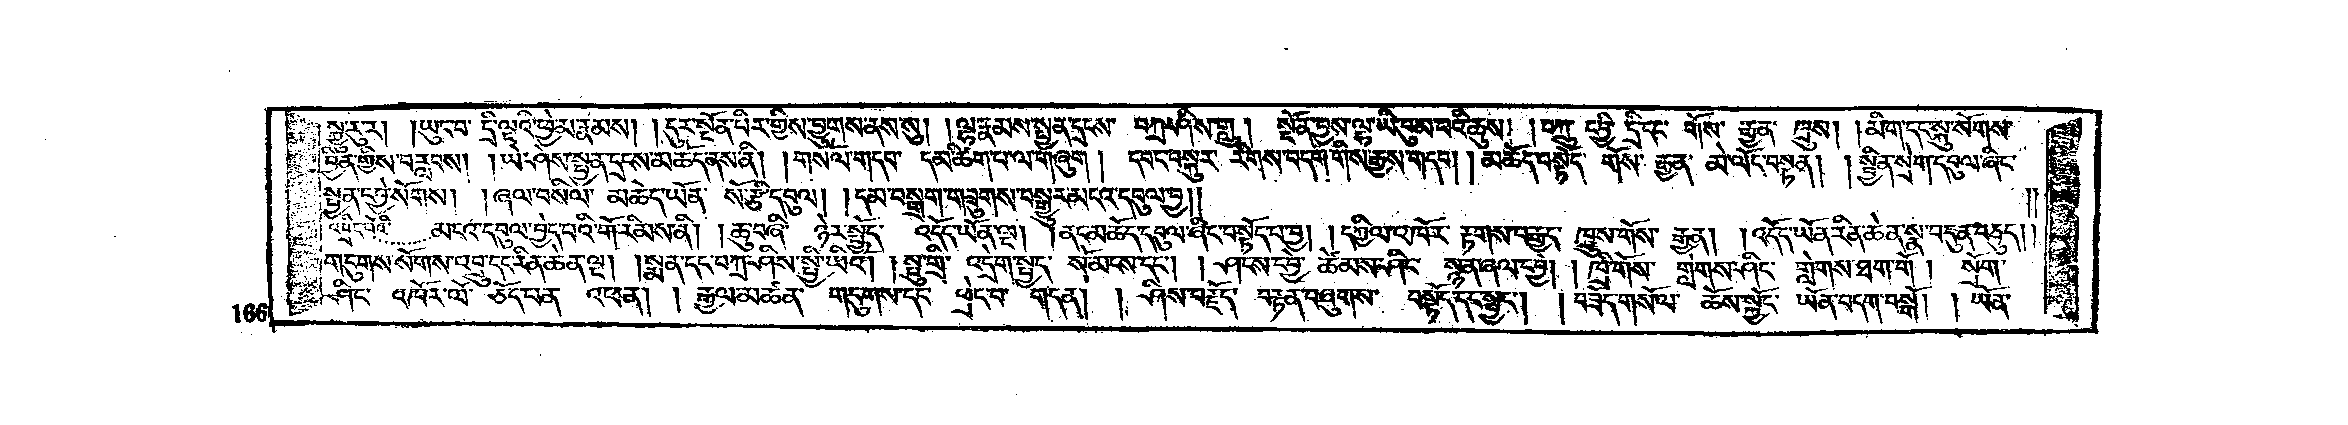སྐྱུ་རུ་ར། །ཡུང་བ་དྲི་ལྔའི་བྱེ་མ་རྣམས། །དུར་སྔོན་པིར་གྱིས་བྱུགས་ནས་སུ། །ལྷ་རྣམས་སྤྱན་དྲངས་བཀྲ་ཤིས་གླུ། སྔོན་བྱས་ལྷ་ཡི་བུམ་པའི་ཆུས། །བཀྲུ་དབྱི་དྲི་དང་གོས་རྒྱན་ཁྲུས། །མིག་དང་སྐུ་སོགས་
བྱིན་གྱིས་བརླབས། །ཡེ་ཤེས་སྤྱན་དྲངས་མཆོད་ནས་ནི། །གསོལ་གདབ་དམ་ཚིག་པ་ལ་གཞུག །དབང་བསྐུར་རིགས་བདག་གིས་རྒྱས་གདབ། །མཆོད་བསྟོད་གོས་རྒྱན་མེ་ལོང་བསྟན། །སྦྱིན་སྲེག་དབུལ་ཞིང་
སྤྱན་དབྱེ་སོགས། །ཞལ་བསིལ་མཆེད་ཡོན་སོ་རྩི་དབུལ། །དམ་བསྒྲག་གཟུགས་བསྒྱུར་མངའ་དབུལ་བྱ།། །།
འབྲིང་པོའི་མངའ་དབུལ་བྱེད་པའི་གོ་རིམས་ནི། །ཆུ་བཞི་ཉེར་སྤྱོད་འདོད་ཡོན་ལྔ། །ནང་མཆོད་དབུལ་ཞིང་བསྟོད་པ་བྱ། །དཀྱིལ་འཁོར་རྟགས་བརྒྱད་ཁྲུས་གོས་རྒྱན། །འདོད་ཡོན་རིན་ཆེན་སྣ་བདུན་བཅུད།།
གདུགས་སོགས་འབྲུ་དང་རིན་ཆེན་ལྔ། །སྨན་དང་བཀྲ་ཤིས་སྤྱི་ཡིའོ། །སྤུ་གྲི་འདྲེག་སྤྱད་སོ་མངས་དང་། །ཤངས་དབྱེ་ཚེམས་ཤིང་སྙན་ཞལ་དབྱེ། །ཁྲི་གོས་གླེགས་ཤིང་གླེགས་ཐག་གོ །སྲོག་
ཤིང་འཁོར་ལོ་ཅོད་པན་འཕན། །རྒྱལ་མཚན་གདུགས་དང་ཕྲེང་བ་གདན། །ཤིས་བརྗོད་བརྟན་བཞུགས་བསྟོད་དང་སྦྱང་། །བཟོད་གསོལ་ཆོས་སྐྱོང་ཡོན་བདག་བསྒོ། །ཡོན་